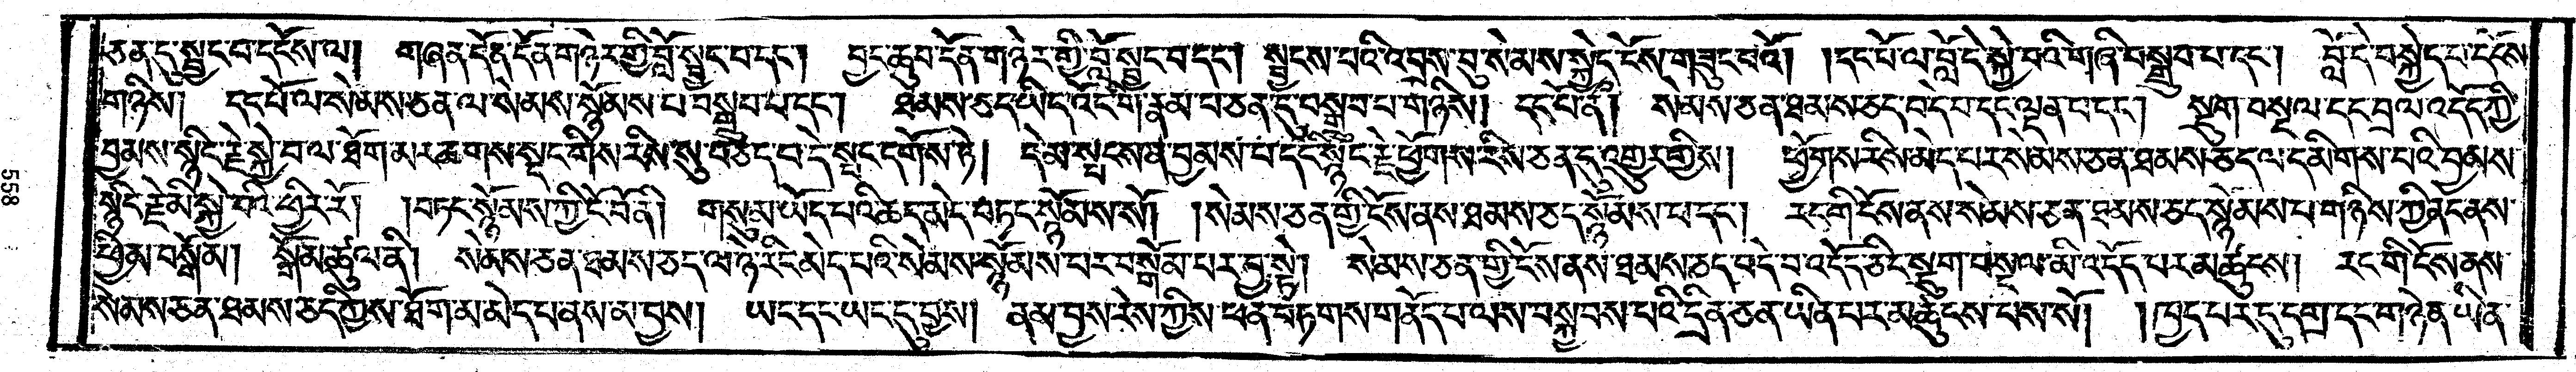ཅན་དུ་སྦྱང་བ་དངོས་ལ། གཞན་དོན་དོན་གཉེར་གྱི་བློ་སྦྱང་བ་དང་། བྱང་ཆུབ་དོན་གཉེར་གྱི་བློ་སྦྱང་བ་དང་། སྦྱངས་པའི་འབྲས་བུ་སེམས་སྐྱེད་ངོས་གཟུང་བའོ། །དང་པོ་ལ་བློ་དེ་སྐྱེ་བའི་གཞི་བསྒྲུབ་པ་དང་། བློ་དེ་བསྐྱེད་པ་དངོས་
གཉིས། དང་པོ་ལ་སེམས་ཅན་ལ་སེམས་སྙོམས་པ་བསྒྲུབ་པ་དང་། ཐམས་ཅད་ཡིད་འོད་གི་རྣམ་པ་ཅན་དུ་བསྒྲུབ་པ་གཉིས། དང་པོ་ནི། སེམས་ཅན་ཐམས་ཅད་བདེ་བ་དང་ལྡན་པ་དང་། སྡུག་བསྔལ་དང་བྲལ་འདོད་ཀྱི་
བྱམས་སྙིང་རྗེ་སྐྱེ་བ་ལ་ཐོག་མར་ཆགས་སྡང་གིས་རིས་སུ་བཅད་བ་དེ་སྤང་དགོས་ཏེ། དེ་མ་སྤངས་ན་བྱམས་པ་དང་སྙིང་རྗེ་ཕྱོགས་རིས་ཅན་དུ་འགྱུར་གྱིས། ཕྱོགས་རིས་མེད་པར་སེམས་ཅན་ཐམས་ཅད་ལ་དམིགས་པའི་བྱམས་
སྙིང་རྗེ་མི་སྐྱེ་བའི་ཕྱིར་རོ། །བཏང་སྙོམས་ཀྱི་ངོ་བོ་ནི། གསུམ་ཡོད་པའི་ཆད་མེད་བཏང་སྙོམས་སོ། །སེམས་ཅན་གྱི་ངོས་ནས་ཐམས་ཅད་སྙོམས་པ་དང་། རང་གི་ངོས་ནས་སེམས་ཅན་ཐམས་ཅད་སྙོམས་པ་གཉིས་ཀྱི་ནང་ནས་
ཕྱི་མ་བསྒོམ། སྒོམ་ཚུལ་ནི། སེམས་ཅན་ཐམས་ཅད་ལ་ཉེ་རིང་མེད་པའི་སེམས་སྙོམས་པར་བསྒོམ་པར་བྱ་སྟེ། སེམས་ཅན་གྱི་ངོས་ནས་ཐམས་ཅད་བདེ་བ་འདོད་ཅིང་སྡུག་བསྔལ་མི་འདོད་པར་མཚུངས། རང་གི་ངོས་ནས་
སེམས་ཅན་ཐམས་ཅད་ཀྱིས་ཐོག་མ་མེད་པ་ནས་མ་བྱས། ཡང་དང་ཡང་དུ་བྱས། ནམ་བྱས་རེས་ཀྱིས་ཕན་བཏགས་གནོད་པ་ལས་བསྐྱབས་པའི་དྲིན་ཅན་ཡིན་པར་མཚུངས་པས་སོ། །ཁྱད་པར་དུ་དགྲ་དང་གཉེན་ཡིན་